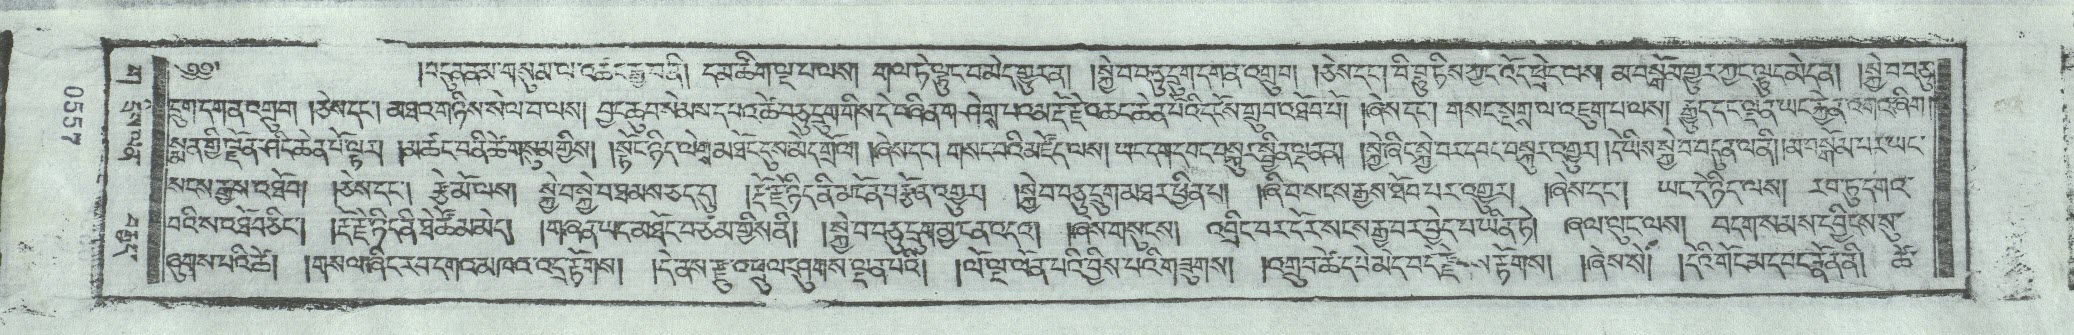༄༅། །བདུན་ནམ་གསུམ་ལ་འཚང་རྒྱ་བ་ནི། དམ་ཚིག་ལྔ་པ་ལས། གལ་ཏེ་ལྟུང་བ་མེད་གྱུར་ན། །སྐྱེ་བ་བཅུ་དྲུག་དག་ན་འགྲུབ། །ཅེས་དང་། བི་བྷུ་ཏིས་ཀྱང་འོད་ཕྲེང་ལས། མ་བསྒོམ་གྱུར་ཀྱང་ལྟུང་མེད་ན། །སྐྱེ་བ་བཅུ་
དྲུག་དག་ན་འགྲུབ། །ཅེས་དང་། མཐའ་གཉིས་སེལ་བ་ལས། བྱང་ཆུབ་སེམས་དཔའ་ཚེ་བཅུ་དྲུག་གིས་དེ་བཞིན་གཤེགས་པའམ་རྡོ་རྗེ་འཆང་ཆེན་པོའི་དངོས་གྲུབ་འཐོབ་པོ། །ཞེས་དང་། གསང་སྔགས་ལ་འཇུག་པ་ལས། རྒྱུད་དང་ལྡན་ཡང་རྐྱེན་འགའ་ཞིག་
སྨན་གྱི་ལྗོན་ཤིང་ཆེན་པོ་ལྟར། །མ་ཚང་བ་ནི་ཚེ་གསུམ་གྱིས། །སྟོང་ཉིད་ལེགས་མཐོང་དུས་མེད་གྲོལ། །ཞེས་དང་། གསང་བའི་མཛོད་ལས། ཡང་དག་དབང་བསྐུར་སྦྱིན་ལྡན་ན། །སྐྱེ་ཞིང་སྐྱེ་བར་དབང་བསྐུར་འགྱུར། །དེ་ཡིས་སྐྱེ་བ་བདུན་ལ་ནི། །མ་བསྒོམ་པར་ཡང་
སངས་རྒྱས་འཐོབ། །ཅེས་དང་། རྩེ་མོ་ལས། སྐྱེ་བ་སྐྱེ་བ་ཐམས་ཅད་དུ། །རྡོ་རྗེ་ཉིད་ནི་མངོན་བརྩོན་འགྱུར། །སྐྱེ་བ་བཅུ་དྲུག་མཐར་ཕྱིན་པ། །ཞི་བ་སངས་རྒྱས་ཐོབ་པར་འགྱུར། །ཞེས་དང་། ཡང་དེ་ཉིད་ལས། རབ་ཏུ་དགའ་
བའི་ས་འཐོབ་ཅིང་། །རྡོ་རྗེ་ཉིད་ནི་ཐེ་ཚོམ་མེད། །གཞན་ཡང་མཐོང་བ་ཙམ་གྱིས་ནི། །སྐྱེ་བ་བཅུ་དྲུག་མྱ་ངན་འདའ། །ཞེས་གསུངས། འབྲིང་བར་ངོར་སངས་རྒྱ་བར་བྱེད་པ་ཡིན་ཏེ། ཞལ་ལུང་ལས། བདག་སམས་དབྱིངས་སུ་
ཞུགས་པའི་ཚེ། །གསལ་ཞིང་རབ་དགའ་མཁའ་འདྲ་རྟོགས། །དེ་ནས་རྫུ་འཕྲུལ་ཤུགས་ལྡན་པའི། །ལོ་ལྔ་ལོན་པའི་བྱིས་པའི་གཟུགས། །འགྲུབ་ཚེ་དཔེ་མེད་བདེ་རྫོགས?་རྟོགས། །ཞེས་སོ། །དེའི་གོང་མ་དབང་རྣོན་ནི། ཚེ་